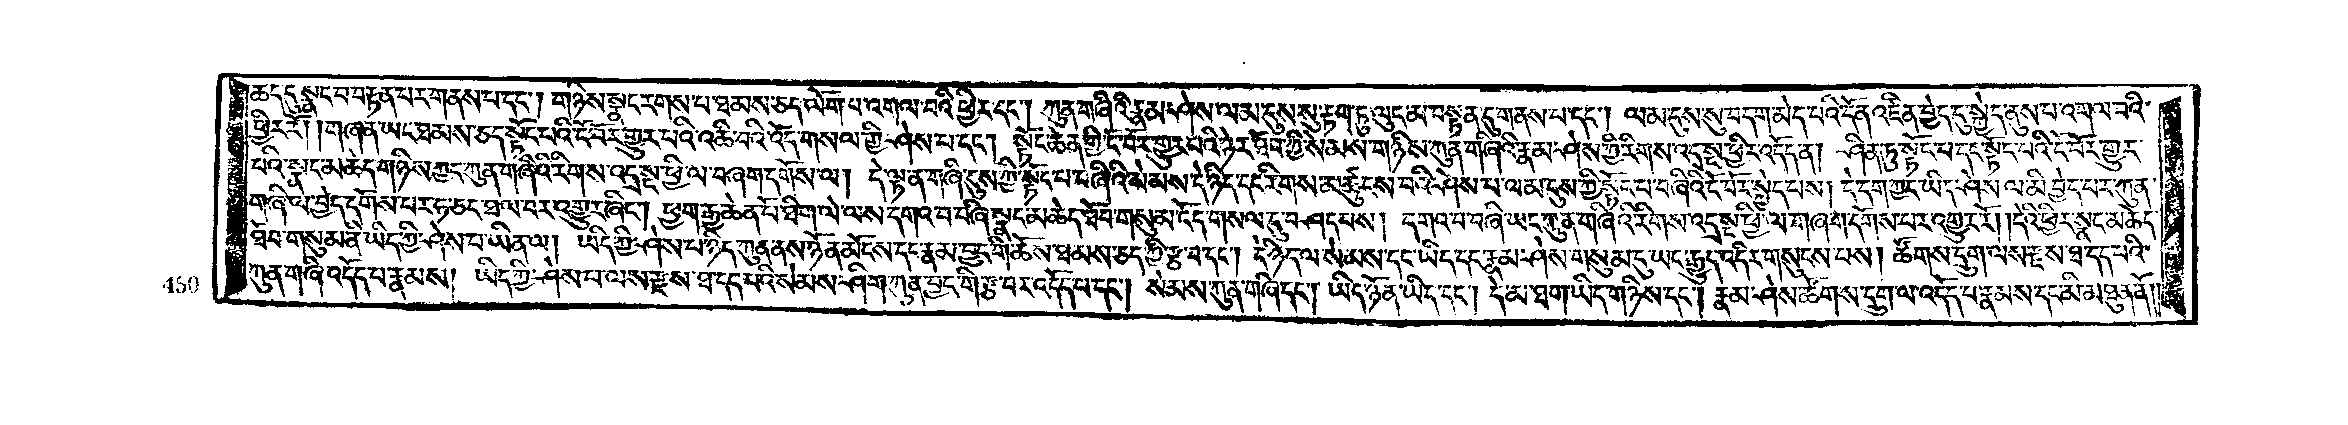ཆད་དུ་སྣང་བ་བརྟན་པར་གནས་པ་དང་། གཉིས་སྣང་རགས་པ་ཐམས་ཅད་ལོག་པ་འགལ་བའི་ཕྱིར་དང་། ཀུན་གཞིའི་རྣམ་ཤེས་ལམ་དུས་སུ་རྟག་ཏུ་ལུང་མ་བསྟན་དུ་གནས་པ་དང་། ལམ་དུས་སུ་བདག་མེད་པའི་དོན་འཛིན་བྱེད་དུ་སྐྱེད་ནུས་པ་འགལ་བའི་
ཕྱིར་རོ། །གཞན་ཡང་ཐམས་ཅད་སྟོང་པའི་ངོ་བོར་གྱུར་པའི་འཆི་བའི་འོད་གསལ་གྱི་ཤེས་པ་དང་། སྟོང་ཆེན་གྱི་ངོ་བོར་གྱུར་པའི་ཉེར་ཐོབ་ཀྱི་སེམས་གཉིས་ཀུན་གཞིའི་རྣམ་ཤེས་ཀྱི་རིགས་འདུ་སྔ་ཕྱིར་འདོད་ན། ཤིན་ཏུ་སྟོང་པ་དང་སྟོང་པའི་ངོ་བོར་གྱུར་
པའི་སྣང་མཆེད་གཉིས་ཀྱང་ཀུན་གཞིའི་རིགས་འདྲ་སྔ་ཕྱི་ལ་བཞག་དགོས་ལ། དེ་ལྟ་ན་གཞི་དུས་ཀྱི་སྟོང་པ་བཞིའི་སེམས་དེ་ཉིད་དང་རིགས་མཚུངས་པའི་ཤེས་པ་ལམ་དུས་ཀྱི་སྟོང་པ་བཞིའི་ངོ་བོར་སྐྱེད་པས། དེ་དག་ཀྱང་ཡིད་ཤེས་ལ་མི་བྱེད་པར་ཀུན་
གཞི་ལ་བྱེད་དགོས་པར་ཧ་ཅང་ཐལ་བར་འགྱུར་ཞིང་། ཕྱག་རྒྱ་ཆེན་པོ་ཐིག་ལེ་ལས་དགའ་བ་བཞི་སྣང་མཆེད་ཐོབ་གསུམ་འོད་གསལ་དུ་བཤད་པས། དགའ་བ་བཞི་ཡང་ཀུན་གཞིའི་རིགས་འདྲ་སྔ་ཕྱི་ལ་གཞག་དགོས་པར་འགྱུར་རོ། །དེའི་ཕྱིར་སྣང་མཆེད་
ཐོབ་གསུམ་ནི་ཡིད་ཀྱི་ཤེས་པ་ཡིན་ལ། ཡིད་ཀྱི་ཤེས་པ་ཉིད་ཀུན་ནས་ཉོན་མོངས་དང་རྣམ་བྱང་གི་ཆོས་ཐམས་ཅད་ཀྱི་རྩ་བ་དང་། དེ་ཉིད་ལ་སེམས་དང་ཡིད་དང་རྣམ་ཤེས་གསུམ་དུ་ཡང་རྒྱུད་འདིར་གསུངས་པས། ཚོགས་དྲུག་ལས་རྫས་ཐ་དད་པའི་
ཀུན་གཞི་འདོད་པ་རྣམས། ཡིད་ཀྱི་ཤེས་པ་ལས་རྫས་ཐ་དད་པའི་སེམས་ཤིག་ཀུན་བྱང་གི་རྩ་བར་འདོད་པ་དང་། སེམས་ཀུན་གཞི་དང་། ཡིད་ཉོན་ཡིད་དང་། དེ་མ་ཐག་ཡིད་གཉིས་དང་། རྣམ་ཤེས་ཚོགས་དྲུག་ལ་འདོད་པ་རྣམས་དང་མི་མཐུན་ནོ། །